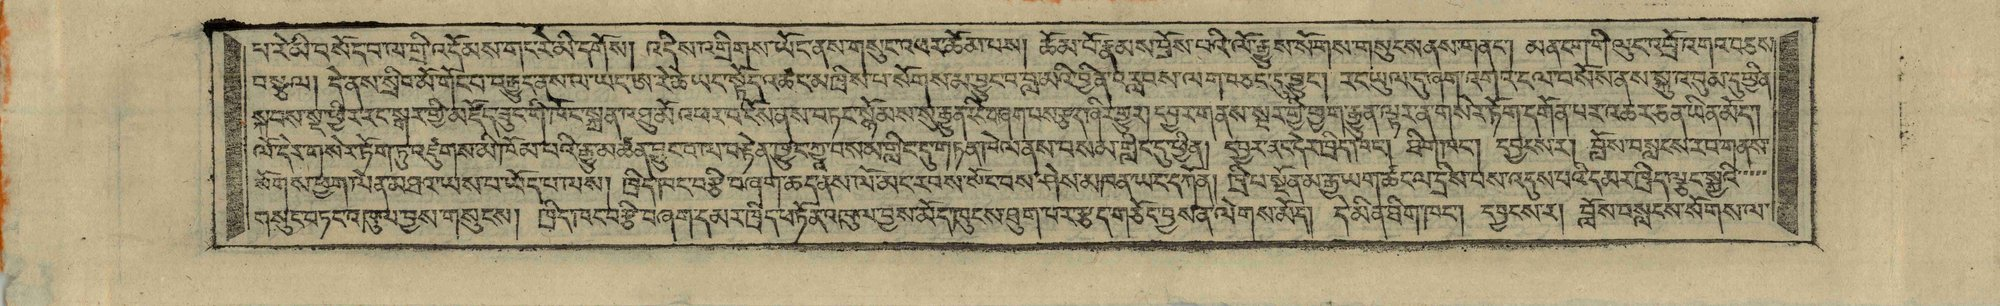པ་རེ་མི་བསོད་བ་ལ་གྲི་འདོམས་གང་རེ་མི་དགོས། འདིས་འགྲིགས་ཡོང་ནས་གསུང་འཕར་ཆོམ་པས། ཆོམ་པོ་རྣམས་བྲོས་པའི་ལོ་རྒྱུས་སོགས་གསུངས་ནས་གནང་། མན་ངག་གི་ལུང་འགྲོ་འགའ་བཅས་
བསྩལ། དེ་ནས་སྲིབ་མོ་གོང་པ་བརྒྱུད་ནས་ལ་ཡང་ཨ་རེ་ཆེ་ཡང་སྟོད་འཚང་མ་ཁྲིས་པ་སོགས་མ་བྱུང་བ་བླ་མའི་བྱིན་བརླབས་ལག་བཅང་དུ་བྱུང་། རང་ཡུལ་དུ་ཞག་འགའ་ངལ་བསོས་ནས་སྐུ་འབུམ་དུ་གྱིན་
སྐབས་སྔ་ཕྱིར་རང་སྒར་གྱི་མཛོད་ཟུང་གི་ཁོང་སྐྲན་འཐུ་མོ་འཕར་བ་ངོས་ནས་བཏང་སྙོམས་སུ་རྒྱུན་རིང་བཞག་པས་རྩད་ཞིར་གྱུར། དབྱར་གནས་སྔར་གྱི་ཕྱག་རྒྱུན་ལྟར་ན་གསེར་ཏོག་དགོན་པར་འཆར་ཅན་ཡིན་མོད།
ལོ་དེར་གསེར་ཏོག་ཏུ་འཛུགས་མི་ཁོམ་པའི་རྒྱུ་མཚན་བྱུང་བ་ལ་བརྟེན་ཁྱུང་ཀྱཱ་བསམ་གླིང་དུ་གཏན་ཁེལ་ནས་བསམ་གླིང་དུ་ཕྱིན། དབྱར་ནང་དེར་ཁྲིད་ཁང་། ཐིག་ཁང་། དབྱངས་ར། བློས་བསླངས་རབ་གནས་
སོགས་ཕྱག་ལེན་མཐའ་ཡས་པ་ཡོད་པ་ལས། ཁྲིད་ཁང་བརྩི་བཞག་ཆད་ནས་ལོ་མང་རབས་སོང་བས་ཤེས་མཁན་ཡང་དཀོན། ཁྲི་པ་སྔོན་མ་རྒྱ་ཡག་ཚང་ལ་དྲིས་པས་འདུས་པའི་དམར་ཁྲིད་ལྕང་སྐྱའི་
གསུང་བཏང་འཁུལ་བྱས་གསུངས། ཁྲིད་ཁང་བརྩི་བཞག་དམར་ཁྲིད་བཏོན་འཁུལ་བྱས་མོད་ཁུངས་ཐུག་པར་རྩད་གཅོང་བྱས་ན་ལེགས་མོད། དེ་མིན་ཐིག་ཁང་། དབྱངས་ར། བློས་བསླངས་སོགས་ལ་